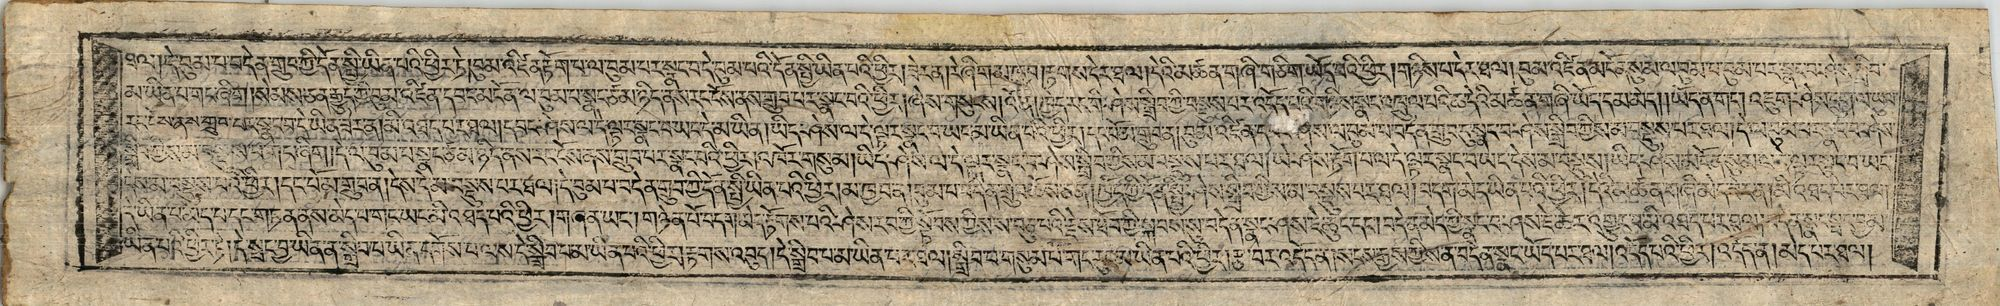ཐལ། དེ་བུམ་པ་བདེན་གྲུབ་ཀྱི་དོན་སྤྱི་ཡིན་པའི་ཕྱིར་ཏེ། བུམ་འཛིན་རྟོག་པ་ལ་བུམ་པར་སྣང་བ་དེ་བུམ་པའི་དོན་སྤྱི་ཡིན་པའི་ཕྱིར། ཟེར་ན། རེ་ཞིག་མ་ཁྱབ། རྟགས་དེར་ཐལ། དེའི་མཚན་གཞི་གཅིག་ཡོད་པའི་ཕྱིར། གཉིས་པ་དེར་ཐལ། བུམ་འཛིན་མངོན་སུམ་ལ་བུམ་པ་བུམ་པར་སྣང་བ་ཤེས་སྒྲིབ་
མ་ཡིན་པ་གང་ཞིག །སེམས་ཅན་རྒྱུད་ཀྱི་བུམ་འཛིན་དབང་མངོན་ལ་བུམ་པ་སྣང་ཙམ་ཉིད་ནས་རང་ནས་གྲུབ་པར་སྣང་བའི་ཕྱིར། ཞེས་གསུངས། འོ་ན། ཁྱེད་རང་གི་ཤེས་སྒྲིབ་ཀྱི་བསྡུས་པར་འདོད་པའི་གཉིས་སྣང་འཁྲུལ་པའི་ཆ་དེའི་མཚན་གཞི་ཡོད་དམ་མེད། །ཡོད་ན་གང་། འཇུག་ཤེས་དྲུག་ལ་ཡུལ་
རང་ངོས་ནས་གྲུབ་པར་སྣང་བ་དེ་ཡིན་ཟེར་ན། མི་འཐད་པར་ཐལ། དབང་ཤེས་ལ་དེ་ལྟར་སྣང་བ་ཡང་དེ་མ་ཡིན། ཡིད་ཤེས་ལ་དེ་ལྟར་སྣང་བ་ཡང་མ་ཡིན་པའི་ཕྱིར། དང་པོ་མ་གྲུབ་ན། བུམ་འཛིན་དབང་ཤེས་ལ་བུམ་པ་བདེན་གྲུབ་དུ་སྣང་བ་ཤེས་སྒྲིབ་ཀྱིས་མ་བསྡུས་པར་ཐལ། དེ་ལ་བུམ་པར་སྣང་བ་ཤེས་
སྒྲིབ་ཀྱིས་མ་བསྡུས་པ་གང་ཞིག །དེ་ལ་བུམ་པ་སྣང་ཙམ་ཉིད་ནས་རང་ངོས་ནས་གྲུབ་པར་སྣང་པའི་ཕྱིར། འཁོར་གསུམ། ཡིད་ཤེས་ལ་དེ་ལྟར་སྣང་བ་ཤེས་སྒྲིབ་ཀྱིས་མ་བསྡུས་པར་ཐལ། ཡེ་ཤེས་རྟོག་པ་ལ་དེ་ལྟར་སྣང་བ་ཡང་དེས་མ་བསྡུས། ཡིད་ཤེས་མངོན་སུམ་ལ་དེ་ལྟར་སྣང་བ་ཡང་
དེས་མ་བསྡུས་པའི་ཕྱིར། དང་པོ་མ་གྲུབ་ན། དེས་དེ་མ་བསྡུས་པར་ཐལ། དེ་བུམ་པ་བདེན་གྲུབ་ཀྱི་དོན་སྤྱི་ཡིན་པའི་ཕྱིར། མ་ཁྱབ་ན། བུམ་པ་བདེན་གྲུབ་ཆོས་ཅན། ཁྱོད་ཀྱི་དོན་སྤྱི་ཤེས་སྒྲིབ་ཀྱིས་མ་བསྡུས་པར་ཐལ། བདག་མེད་ཡིན་པའི་ཕྱིར། དེའི་མཚན་གཞི་མེད་ཟེར་ན། མི་འཐད་པར་ཐལ།
དེ་ཡིན་པ་མེད་པ་དང་གཏན་ནས་མེད་པ་གང་ཡང་མི་འཐད་པའི་ཕྱིར། གཞན་ཡང་། གཉེན་པོ་བདག་མེད་རྟོགས་པའི་ཤེས་རབ་ཀྱི་སྟོབས་ཀྱིས་ས་བཅུ་པའི་རྗེས་ཐོབ་ཀྱི་སྐབས་སུ་བདེན་སྣང་ཤས་ཇེཆུང་དང་། བདེན་མེད་ཀྱི་སྣང་བ་ཤས་ཇེཆེར་འགྱུར་བ་མི་འཐད་པར་ཐལ། བདེན་སྣང་སྤང་བྱ་མ་
ཡིན་པའི་ཕྱིར་ཏེ། དེ་སྤང་བྱ་ཡིན་ན་སྒྲིབ་པ་ཡིན་དགོས་པ་ལས་དེ་སྒྲིབ་པ་མ་ཡིན་པའི་ཕྱིར། རྟགས་འབུད། དེ་སྒྲིབ་པ་མ་ཡིན་པར་ཐལ། སྒྲིབ་པ་གསུམ་པོ་གང་རུང་མ་ཡིན་པའི་ཕྱིར། རྩ་བར་འདོད་ན། སངས་རྒྱས་ཀྱི་ས་ན་བདེན་སྣང་ཡོད་པར་ཐལ། འདོད་པའི་ཕྱིར། འདོད་ན། མེད་པར་ཐལ།